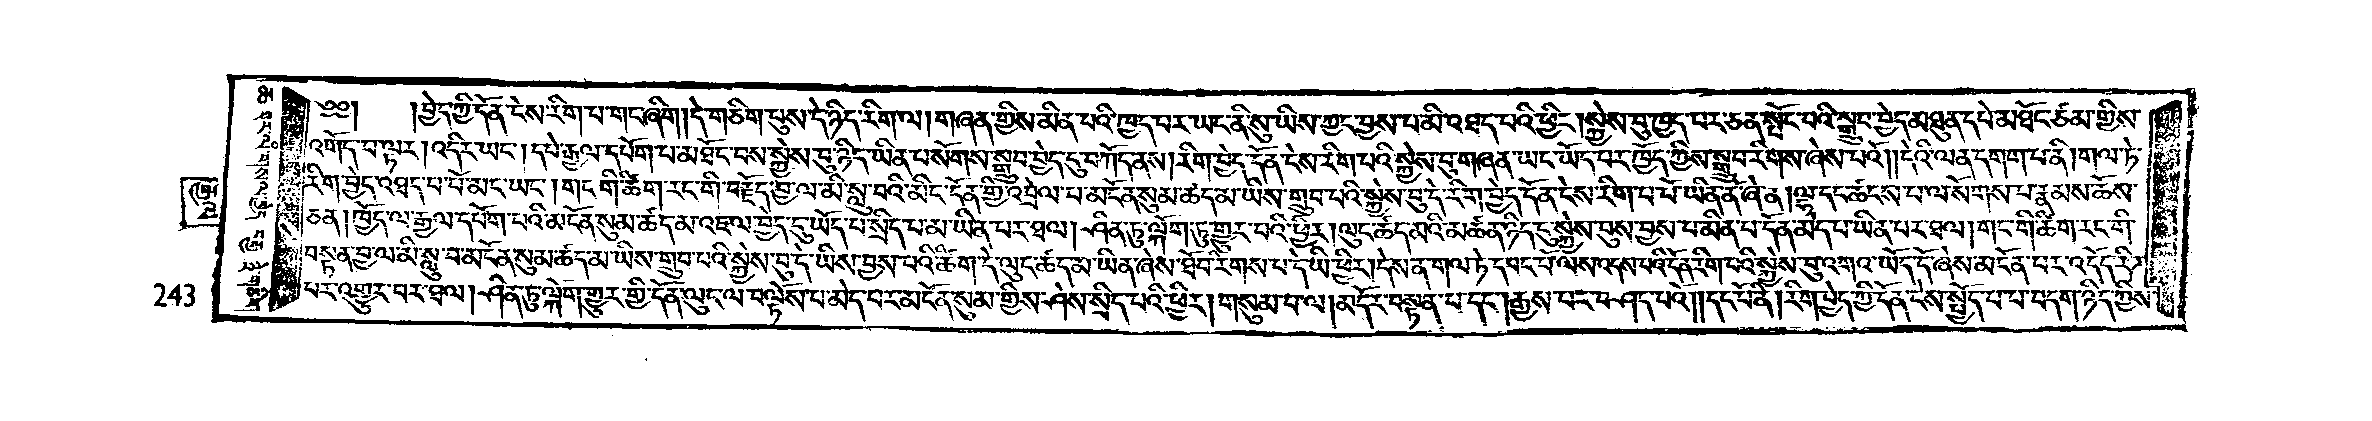༄༅། །བྱེད་ཀྱི་དོན་ངེས་རིག་པ་གང་ཞིག །དེ་གཅིག་པུས་དེ་ཉིད་རིག་ལ། གཞན་གྱིས་མིན་པའི་ཁྱད་པར་ཡང་ནི་སུ་ཡིས་ཀྱང་བྱས་པ་མི་འཐད་པའི་ཕྱིར། སྐྱེས་བུ་ཁྱད་པར་ཅན་སྤོང་བའི་སྒྲུབ་བྱེད་མཐུན་དཔེ་མཐོང་ཙམ་གྱིས་
འགོད་པ་ལྟར། འདིར་ཡང་། དཔེ་རྒྱལ་དཔོག་པ་མཐོང་བས་སྐྱེས་བུ་ཉིད་ཡིན་པ་སོགས་སྒྲུབ་བྱེད་དུ་བཀོད་ནས། རིག་བྱེད་དོན་ངེས་རིག་པའི་སྐྱེས་བུ་གཞན་ཡང་ཡོད་པར་ཁྱོད་ཀྱིས་སྒྲུབ་རིགས་ཞེས་པའོ། །དེའི་ལན་དགག་པ་ནི། གལ་ཏེ་
རིག་བྱེད་འཐད་པ་པོ་མང་ཡང་། གང་གི་ཚིག་རང་གི་བརྗོད་བྱ་ལ་མི་སླུ་བའི་མིང་དོན་གྱི་འབྲེལ་པ་མངོན་སུམ་ཚད་མ་ཡིས་གྲུབ་པའི་སྐྱེས་བུ་དེ་རིག་བྱེད་དོན་ངེས་རིག་པ་པོ་ཡིན་ནོ་ཞེ་ན། ལྷ་དང་ཚངས་པ་ལ་སོགས་པ་རྣམས་ཆོས་
ཅན། ཁྱོད་ལ་རྒྱལ་དཔོག་པའི་མངོན་སུམ་ཚད་མ་འཇལ་བྱེད་དུ་ཡོད་པ་སྲིད་པ་མ་ཡིན་པར་ཐལ། ཤིན་ཏུ་ལྐོག་ཏུ་གྱུར་པའི་ཕྱིར། ལུང་ཚད་མའི་མཚན་ཉིད་དུ་སྐྱེས་བུས་བྱས་པ་མིན་པ་དོན་མེད་པ་ཡིན་པར་ཐལ། གང་གི་ཚིག་རང་གི་
བསྟན་བྱ་ལ་མི་སླུ་བ་མངོན་སུམ་ཚད་མ་ཡིས་གྲུབ་པའི་སྐྱེས་བུ་དེ་ཡིས་བྱས་པའི་ཚིག་དེ་ལུང་ཚད་མ་ཡིན་ཞེས་ཐོབ་རིགས་པ་དེ་ཡི་ཕྱིར། དེས་ན་གལ་ཏེ་དབང་པོ་ལས་འདས་པའི་དོན་རིག་པའི་སྐྱེས་བུ་འགའ་ཡོད་དོ་ཞེས་མངོན་པར་འདོད་རིཌ་
པར་འགྱུར་བར་ཐལ། ཤིན་ཏུ་ལྐོག་གྱུར་གྱི་དོན་ལུང་ལ་བལྟོས་པ་མེད་པར་མངོན་སུམ་གྱིས་ཤེས་སྲིད་པའི་ཕྱིར། གསུམ་པ་ལ། མདོར་བསྟན་པ་དང་། རྒྱས་པར་བཤད་པའོ། །དང་པོ་ནི། རིག་བྱེད་ཀྱི་དོན་ངེས་སྤྱོད་པ་པ་བདག་ཉིད་ཀྱིས་